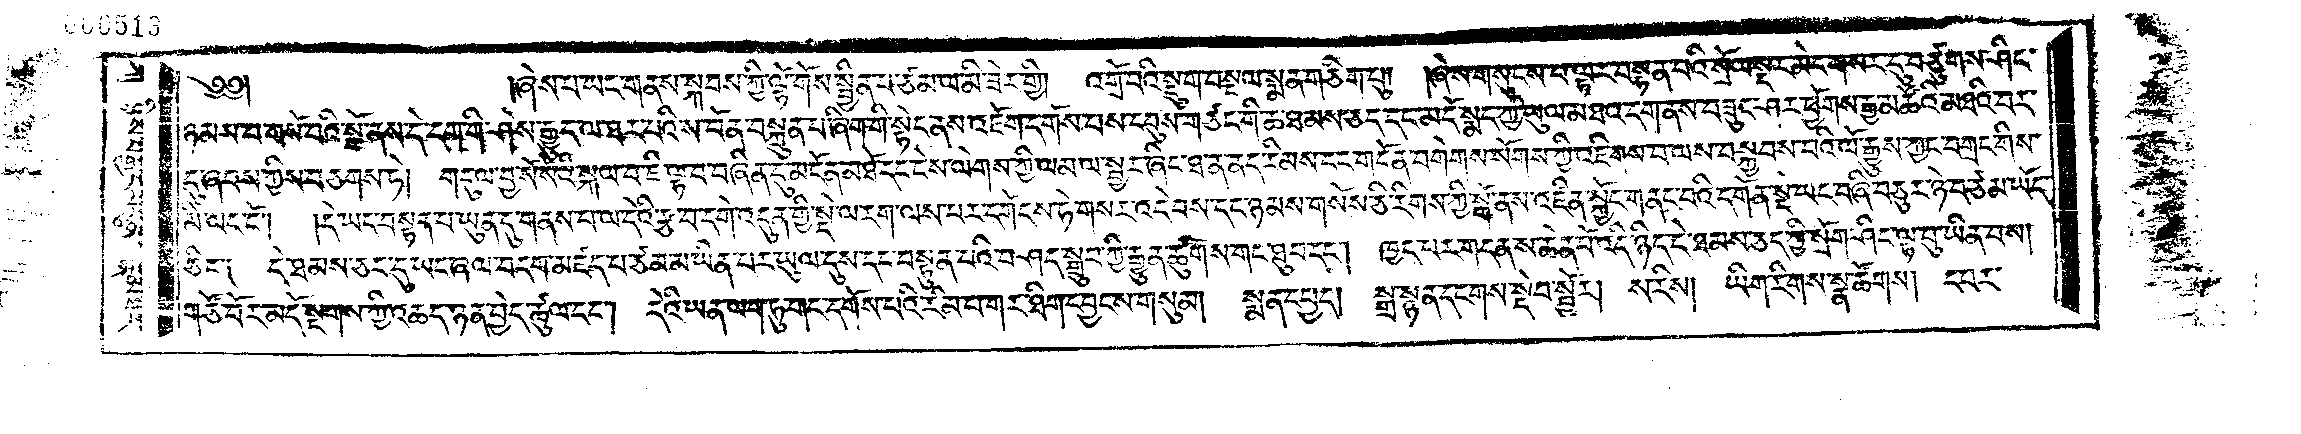༄༅། །ཞེས་པ་ཡང་གནས་སྐབས་ཀྱི་ལྟོ་གོས་སྦྱིན་པ་ཙམ་ལ་མི་ཟེར་གྱི། འགྲོ་བའི་སྡུག་བསྔལ་སྨན་གཅིག་པུ། །ཞེས་གསུངས་པ་ལྟར་བསྟན་པའི་སྲོལ་སྡང་མེད་གསར་དུ་བཙུགས་ཤིང་
ཉམས་པ་གསོ་བའི་སྒོ་ནས་དེ་དག་གི་ཤེས་རྒྱུད་ལ་ཐར་པའི་ས་བོན་བསྐྲུན་པ་ཞིག་གི་སྟེང་ནས་འཇོག་དགོས་པས་དབུས་གཙང་གི་ཆ་ཐམས་ཅད་དང་མདོ་སྨད་ཀྱི་ཡུལ་མཐའ་དག་ནས་བཟུང་ཤར་ཕྱོགས་རྒྱ་མཚོའི་མཐའི་བར་
དུ་ཞབས་ཀྱིས་བཅགས་ཏེ། གདུལ་བྱ་སོ་སོའི་སྐལ་བ་ཇི་ལྟ་བ་བཞིན་དུ་མངོན་མཐོ་དང་ངེས་ལེགས་ཀྱི་ལམ་ལ་སྦྱར་ཞིང་ཐ་ན་ནད་རིམས་དང་གདོན་བགེགས་སོགས་ཀྱི་འཇིགས་པ་ལས་བསྐྱབས་པའི་ལོ་རྒྱུས་ཀྱང་བགྲང་གིས་
མི་ལང་ངོ། །དེ་ཡང་བསྟན་པ་ཡུན་དུ་གནས་པ་ལ་དེའི་རྩ་བ་དགེ་འདུན་གྱི་སྡེ་ལ་རག་ལས་པར་དགོངས་ཏེ་གསར་འདེབས་དང་ཉམས་གསོས་ཅི་རིགས་ཀྱི་སྒོ་ནས་འཛིན་སྐྱོང་གནང་བའི་དགོན་སྡེ་ཡང་བཞི་བཅུར་ཉེ་བ་ཙམ་ཡོད་
ཅིང༑ དེ་ཐམས་ཅད་དུ་ཡང་ཞལ་བདག་མཛད་པ་ཙམ་མ་ཡིན་པར་ཡུལ་དུས་དང་བསྟུན་པའི་བཤད་སྒྲུབ་ཀྱི་རྒྱུན་ཚུགས་གང་ཐུབ་དང་། ཁྱད་པར་གདན་ས་ཆེན་པོ་འདི་ཉིད་དེ་ཐམས་ཅད་ཀྱི་སྲོག་ཤིང་ལྟ་བུ་ཡིན་པས།
གཙོ་བོར་མདོ་སྔགས་ཀྱི་འཆད་ཉན་བྱེད་ཚུལ་དང་། དེའི་ཡན་ལག?་ཏུ་གང་དགོས་པའི་རིམ་པ་གར་ཐིག་དབྱངས་གསུམ། སྨན་དཔྱད། སྒྲ་སྙན་དངགས་སྡེབ་སྦྱོར། ས་རིས། ཡིག་རིགས་སྣ་ཚོགས། དཔར་